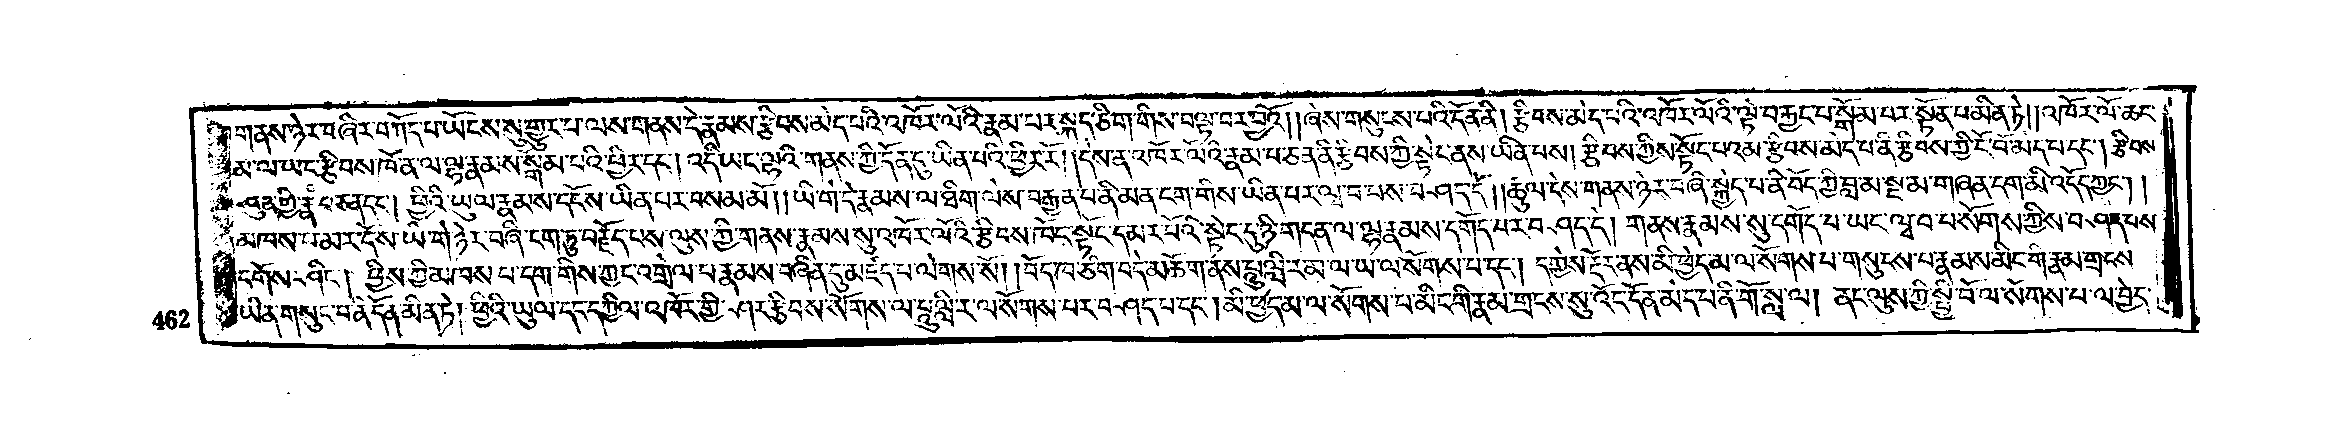གནས་ཉེར་བཞིར་བཀོད་པ་ཡོངས་སུ་གྱུར་པ་ལས་གནས་དེ་རྣམས་རྩིབས་མེད་པའི་འཁོར་ལོའི་རྣམ་པར་སྐད་ཅིག་གིས་བལྟ་བར་བྱའོ། །ཞེས་གསུངས་པའི་དོན་ནི། རྩིབས་མེད་པའི་འཁོར་ལོའི་ལྟེ་བ་རྐྱང་པ་སྒོམ་པར་སྟོན་པ་མིན་ཏེ། །འཁོར་ལོ་ཚང་
མ་ལ་ཡང་རྩིབས་ཁོ་ན་ལ་ལྷ་རྣམས་སྒོམ་པའི་ཕྱིར་དང་། འདི་ཡང་ལྷའི་གནས་ཀྱི་དོན་དུ་ཡིན་པའི་ཕྱིར་རོ། །དེས་ན་འཁོར་ལོའི་རྣམ་པ་ཅན་ནི་རྩིགས་ཀྱི་སྟེང་ནས་ཡིན་པས། རྩིབས་ཀྱིས་སྟོང་པའམ་རྩིབས་མེད་པ་ནི་རྩིབས་ཀྱི་ངོ་བོ་མེད་པ་དང་། རྩིགས་
ཤུན་གྱི་རྣ་བ་ཅན་དང་། ཕྱིའི་ཡུལ་རྣམས་དངོས་ཡིན་པར་བསམ་མོ། །ཡི་གེ་དེ་རྣམས་ལ་ཐིག་ལེས་བརྒྱན་པ་ནི་མན་ངག་གིས་ཡིན་པར་ལྭ་བ་པས་བཤད་དོ། །ཚུལ་དེས་གནས་ཉེར་བཞི་སྐྱེད་པ་ནི་བོད་ཀྱི་བླ་མ་གཞན་དག་མི་འདོད་ཀྱང་། །
མཁས་པ་མར་དོས་ཡི་གེ་ཉེར་བཞི་ངག་ཏུ་བརྗོད་པས་ལུས་ཀྱི་གནས་རྣམས་སུ་འཁོར་ལོའི་རྩིབས་ཁོང་སྟོང་དམར་པོའི་སྟེང་དུ་ཉི་གདན་ལ་ལྷ་རྣམས་དགོད་པར་བཤད་དེ། གནས་རྣམས་སུ་དགོད་པ་ཡང་ལྭ་བ་པ་སོགས་ཀྱིས་བཤད་པས་
དགོས་ཤིང་། ཕྱིས་ཀྱི་མཁས་པ་དག་གིས་ཀྱང་འགྲེལ་པ་རྣམས་བཞིན་དུ་མཛད་པ་ལེགས་སོ། །བོད་ཁ་ཅིག་བདེ་མཆོག་ནས་པཱུལླི་ར་མ་ལ་ཡ་ལ་སོགས་པ་དང་། དགྱེས་རྡོར་ནས་མི་ཕྱེད་མ་ལ་སོགས་པ་གསུངས་པ་རྣམས་མིང་གི་རྣམ་གྲངས་
ཡིན་གསུང་བ་ནི་དོན་མིན་ཏེ། ཕྱིའི་ཡུལ་དང་དཀྱིལ་འཁོར་གྱི་ཤར་རྩིབས་སོགས་ལ་པཱུལླི་ར་ལ་སོགས་པར་བཤད་པ་དང་། མི་ཕྱེད་མ་ལ་སོགས་པ་མིང་གི་རྣམ་གྲངས་སུ་འོང་དོན་མེད་པ་ནི་གོ་སླ་ལ། ནང་ལུས་ཀྱི་སྤྱི་བོ་ལ་སོགས་པ་ལ་བྱེད་